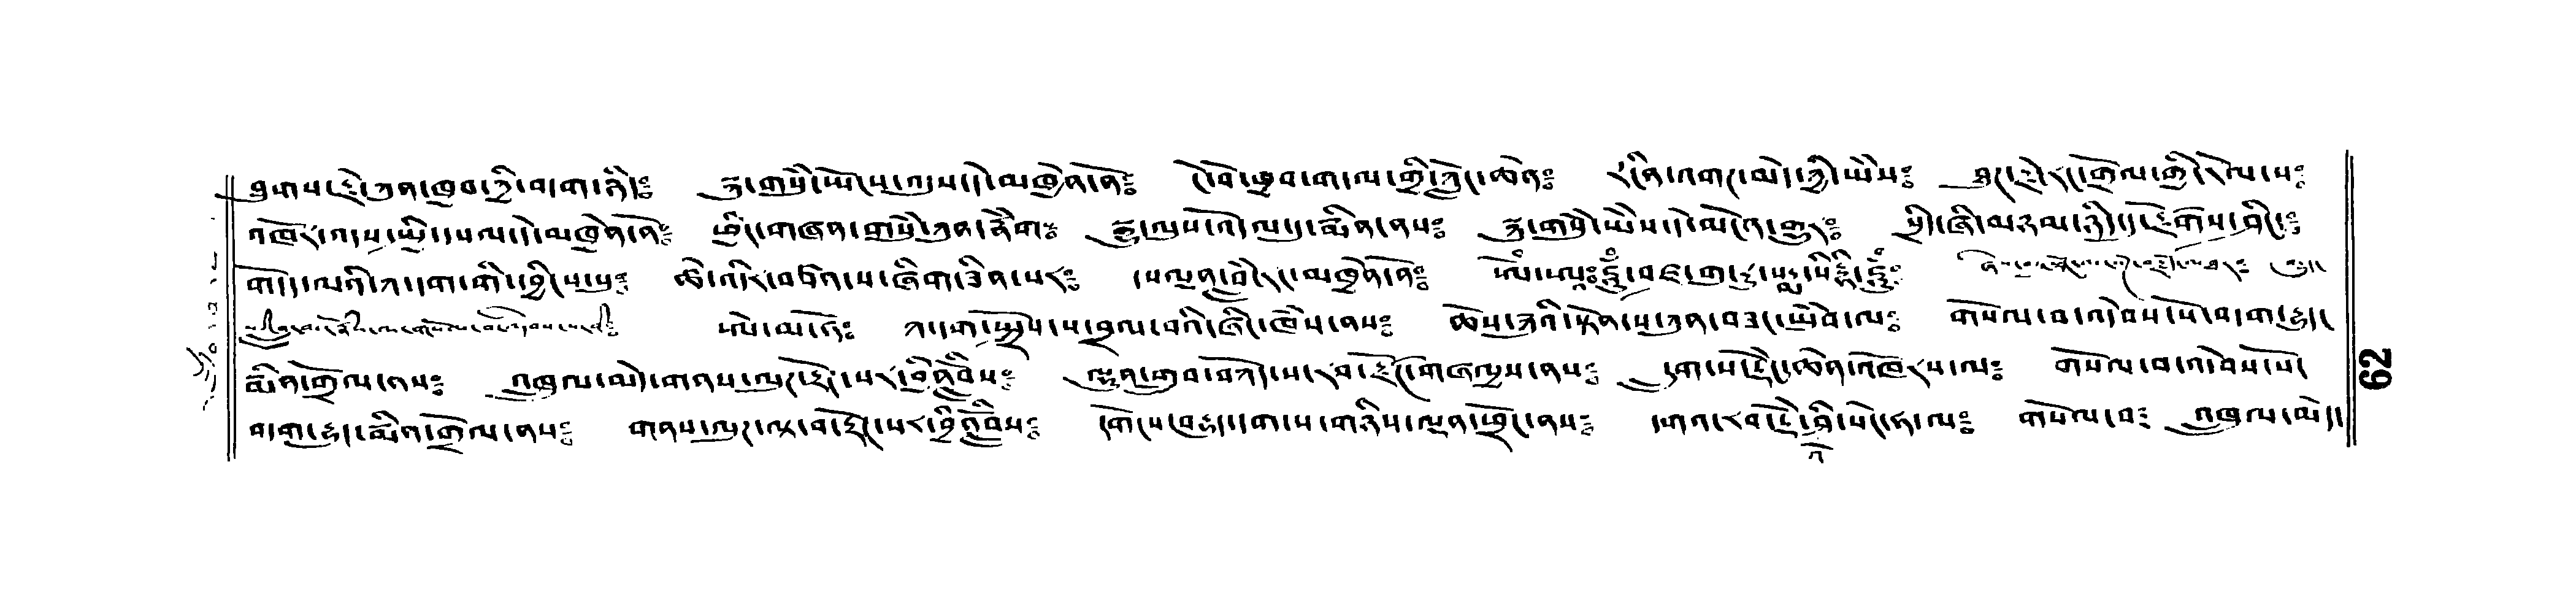ཐུགས་རྗེ་ཀུན་ཁྱབ་ཀྱི་བདག་ཉིད༔ སྐུ་གསུམ་ཡོངས་འདུས་དེ་མཁྱེན་ནོ༔ངོ་བོ་ཁྱབ་གདལ་གྱི་ཀློང་ཆེན༔ རང་བཞིན་འགག་མེད་ཀྱི་ཡེ་ཤེས༔ ཐུགས་རྗེ་རང་གྲོལ་གྱི་རོལ་པ༔ 
འཁོར་འདས་སྤྱི་དཔལ་དེ་མཁྱེན་ནོ༔ ཕྱི་ནང་གཞན་གསུམ་ཀུན་རྣམ་དག༔ སྒྱུ་ལུས་འོད་གསལ་དུ་སྨིན་ནས༔ སྐུ་གསུམ་ཡེ་ཤེས་དེ་མངོན་གྱུར༔ སྲིད་ཞི་མཉམ་ཉིད་དུ་རྫོགས་ཤིང༔ 
གདོད་མའི་ཀ་དག་གི་དབྱིངས་སུ༔ ཚེ་འདིར་བཙན་ས་ཞིག་ཟིན་པར༔ དཔལ་ལྡན་བླ་མ་རང་མཁྱེན་ནོ༔ ཨོཾ་ཨཱཿཧཱུྃ་བཛྲ་གུ་རུ་པདྨ་སིདྡྷི་ཧཱུྃ༔ ཞེས་བརྒྱ་སྟོང་ལ་སོགས་བརྗོད་མཐར༔ བརྒྱུད་
པའི་བླ་མ་རྣམས་ལ་གསོལ་བ་འདེབས་པ་ནི༔ ཨེ་མ་ཧོཿ ཀ་དག་སྤྲོས་པ་བྲལ་བའི་ཞིང་ཁམས་ནས༔ ཆོས་སྐུའི་སྟོན་པ་ཀུན་བཟང་ཡབ་ཡུམ་ལ༔ གསོལ་བ་འདེབས་སོ་བདག་རྒྱུད་
སྨིན་གྲོལ་ནས༔ འཁྲུལ་མེད་གནས་ལུགས་རྟོགས་པར་བྱིན་གྱིས་རློབས༔ ལྷུན་གྲུབ་བཀོད་པ་རབ་རྫོགས་གཞལ་ཡས་ནས༔ དྲུག་པ་རྡོ་རྗེ་འཆང་ཆེན་འཁོར་བཅས་ལ༔ གསོལ་བ་འདེབས་སོ་
བདག་རྒྱུད་སྨིན་གྲོལ་ནས༔ གནས་ལུགས་ལྟ་བ་རྟོགས་པར་བྱིན་གྱིས་རློབས༔ དགོངས་བརྒྱུད་དག་པ་གཉིས་ལྡན་ཕོ་བྲང་ནས༔ དགའ་རབ་རྡོ་རྗེ་ཤྲཱི་སེང་ཧ་ལ༔ གསོལ་བ༴ འཁྲུལ་མེད་